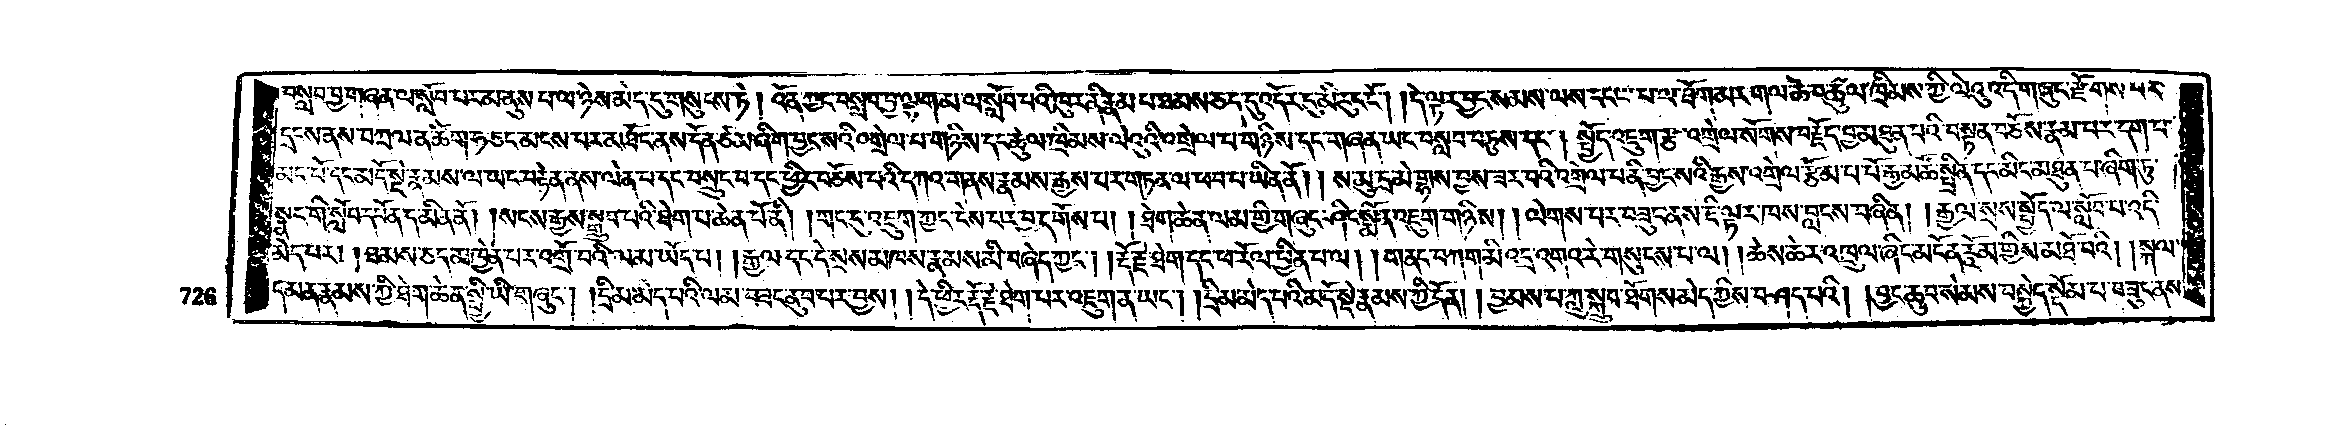བསླབ་བྱ་གཞན་ལ་སློབ་པར་མ་ནུས་པ་ལ་ཉེས་མེད་དུ་གསུངས་ཏེ། འོན་ཀྱང་བསླབ་བྱ་ལྷག་མ་ལ་སློབ་པའི་ཁུར་ནི་རྣམ་པ་ཐམས་ཅད་དུ་འདོར་དུ་མི་རུང་ངོ། །དེ་ལྟར་བྱང་སེམས་ལས་?་པ་ལ་ཐོག་མར་གལ་ཆེ་བ་ཚུལ་ཁྲིམས་ཀྱི་ལེའུ་འདི་གཞུང་རྫོགས་པར་
དྲངས་ནས་བཀྲལ་ན་ཚིག་ཧ་ཅང་མངས་པར་མཐོང་ནས་དོན་ཙམ་ཞིག་བྱང་སའི་འགྲེལ་པ་གཉིས་དང་ཚུལ་ཁྲིམས་ལེའུའི་འགྲེལ་པ་གཉིས་དང་གཞན་ཡང་བསླབ་བཏུས་དང་། སྤྱོད་འཇུག་རྩ་འགྲེལ་སོགས་བརྗོད་བྱ་མཐུན་པའི་བསྟན་བཅོས་རྣམ་པར་དག་པ་
མང་པོ་དང་མདོ་སྡེ་རྣམས་ལ་ཡང་བརྟེན་ནས་ལེན་པ་དང་བསྲུང་བ་དང་ཕྱིར་བཅོས་པའི་དཀའ་གནས་རྣམས་རྒྱས་པར་གཏན་ལ་ཕབ་པ་ཡིན་ནོ། །ས་མུ་དྲ་མེ་གྷས་བྱས་ཟར་བའི་འགྲེལ་པ་ནི་བྱང་སའི་རྒྱས་འགྲེལ་རྩོམ་པ་པོ་རྒྱ་མཚོ་སྤྲིན་དང་མིང་མཐུན་པ་ཞིག་ཏུ།
སྣང་གི་སློབ་དཔོན་དེ་མིན་ནོ། །སངས་རྒྱས་སྒྲུབ་པའི་ཐེག་པ་ཆེན་པོ་ནི། །གང་དུ་འཇུག་ཀྱང་ངེས་པར་བྱ་དགོས་པ། །ཐེག་ཆེན་ལམ་གྱི་གཞུང་ཤིང་སྨོན་འཇུག་གཉིས། །ལེགས་པར་བཟུང་ནས་ཇི་ལྟར་ཁས་བླངས་བཞིན། །རྒྱལ་སྲས་སྤྱོད་ལ་སློབ་པ་འདི་
མེད་པར། །ཐམས་ཅད་མཁྱེན་པར་འགྲོ་བའི་ལམ་ཡོད་པ། །རྒྱལ་དང་དེ་སྲས་མཁས་རྣམས་མི་བཞེད་ཀྱང་། །རྡོ་རྗེ་ཐེག་དང་ཕ་རོལ་ཕྱིན་པ་ལ། །གནང་བཀག་མི་འདྲ་འགའ་རེ་གསུངས་པ་ལ། །ཆེས་ཆེར་འཁྲུལ་ཞིང་མངོན་རློམ་གྱིས་མཐོ་བའི། །སྐལ་
དམན་རྣམས་ཀྱི་ཐེག་ཆེན་སྤྱི་ཡི་གཞུང་། །དྲི་མ་མེད་པའི་ལམ་བཟང་ནུབ་པར་བྱས། །དེ་ཕྱིར་རྡོ་རྗེ་ཐེག་པར་འཇུག་ན་ཡང་། །དྲི་མ་མེད་པའི་མདོ་སྡེ་རྣམས་ཀྱི་དོན། །བྱམས་པ་ཀླུ་སྒྲུབ་ཐོགས་མེད་ཀྱིས་བཤད་པའི། །བྱང་ཆུབ་སེམས་བསྐྱེད་སྡོམ་པ་བཟུང་ནས་